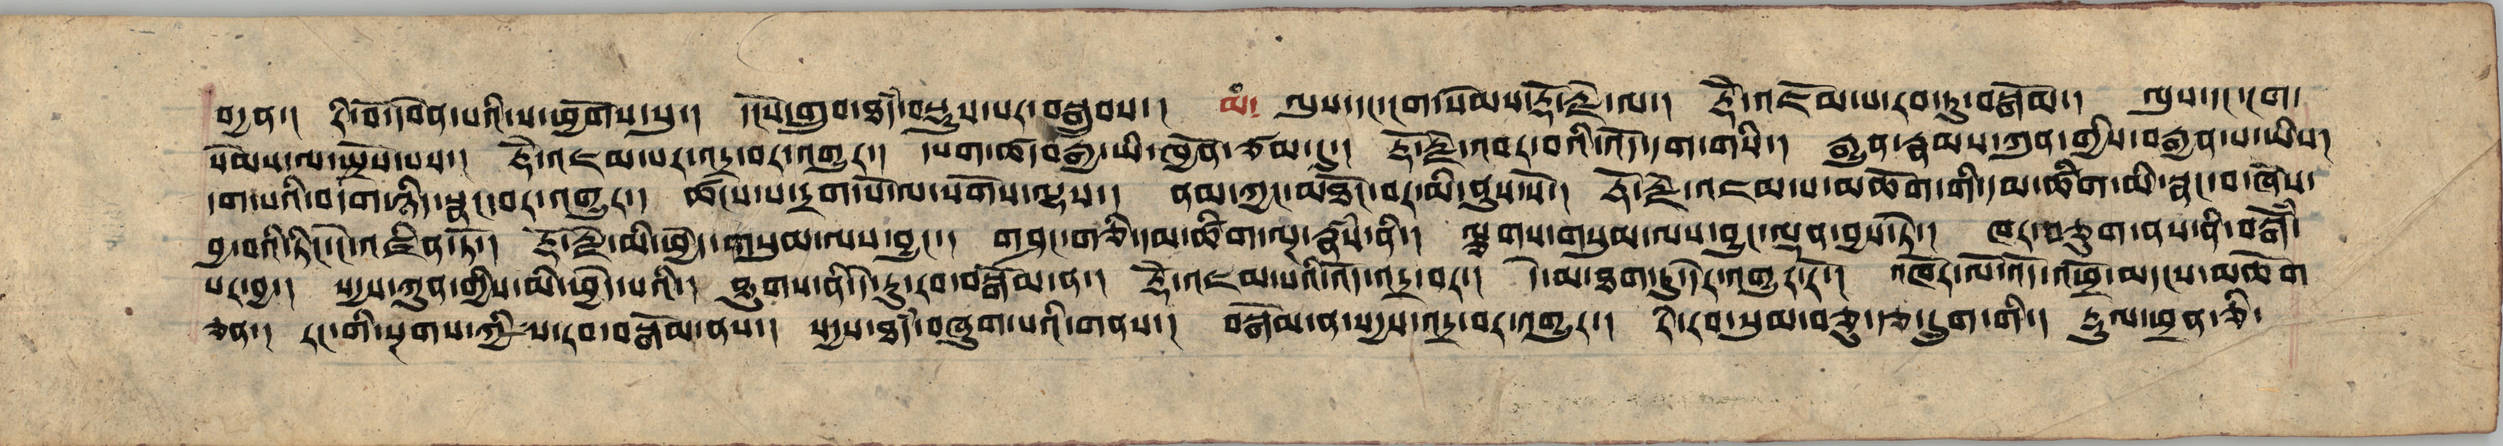བདྱན་། རི་བོ་དབེན་པའི་ས་ཕྱོགས་སུ་། དངོས་གྲུབ་ཐཾད་བསྡུས་པར་བསྒྲུབས་། མཾ༴ ལུས་དང་ངག་སེམས་རྡོ་རྗེ་ལ་། རྡོེ་འཇོམ་པ་རབ་ཏུ་བསྒོམ་། ལུས་དང་ངག་
སེམས་ལ་སྤྲོས་པས་། རྡོེ་འཇམ་པར་འདྲ་བར་འགྱུར་། དཔག་མེད་བརྒྱ་ཡི་ཁྱོན་ཙམ་དུ་། རྡོ་རྗེ་འབར་བའི་འོད་དག་གིས་། རྒྱུན་རྣམས་ཀུན་གྱིས་བརྒྱན་པ་ཡིས་།
དག་པའི་བདག་ཉིད་སྣང་བར་འགྱུར་། ཚངས་པ་དྲག་པོ་ལ་སོགས་ལྷས་། ནམ་ཀྱང་མཐོང་བར་མི་ནུས་སོ་། རྡོ་རྗེ་འཇམ་པ་མཆོག་གི་དམ་ཚིག་མི་སྣང་བ་ཞེས་
བྱ་བའི་ཏིང་ངེ་འཛིན་ཏོ་། རྡོ་རྗེ་མི་ཕྱེད་གསུམ་ལས་བྱུང་། གཤང་གཅི་དམ་ཚིག་ལྔ་རྣཾས་ནི་། ལྕགས་གསུམ་ལས་བྱུང་ལྡན་བྱས་ཏེ་། ཁར་བཅུག་ནས་ནི་བསྒོ་
པར་བྱ་། སདྱས་ཀུན་གྱིས་མི་ཕྱེད་པའི་། ཐུགས་ནི་དེ་རུ་རབ་བསྒོམ་ན་། རྡོེ་འཇམ་པའི་འོད་འདྲ་བར་། དེ་མ་ཐག་ཏུ་དེར་འགྱུར་རོ་། འཁོར་ལོ་འོད་འཕྲོ་མདངས་མཆོག
ཅན་། རང་གི་སྔགས་ཀྱིས་རབ་བསྒོམ་ནས་། སདྱས་ཐཾད་བཞུགས་པའི་གནས་། བསྒོམ་ན་སདྱས་འདྲ་བར་འགྱུར་། རི་རབ་སུམ་བཅུ་རྩ་དྲུག་གི་། རྡུལ་ཕྲན་ཅི་